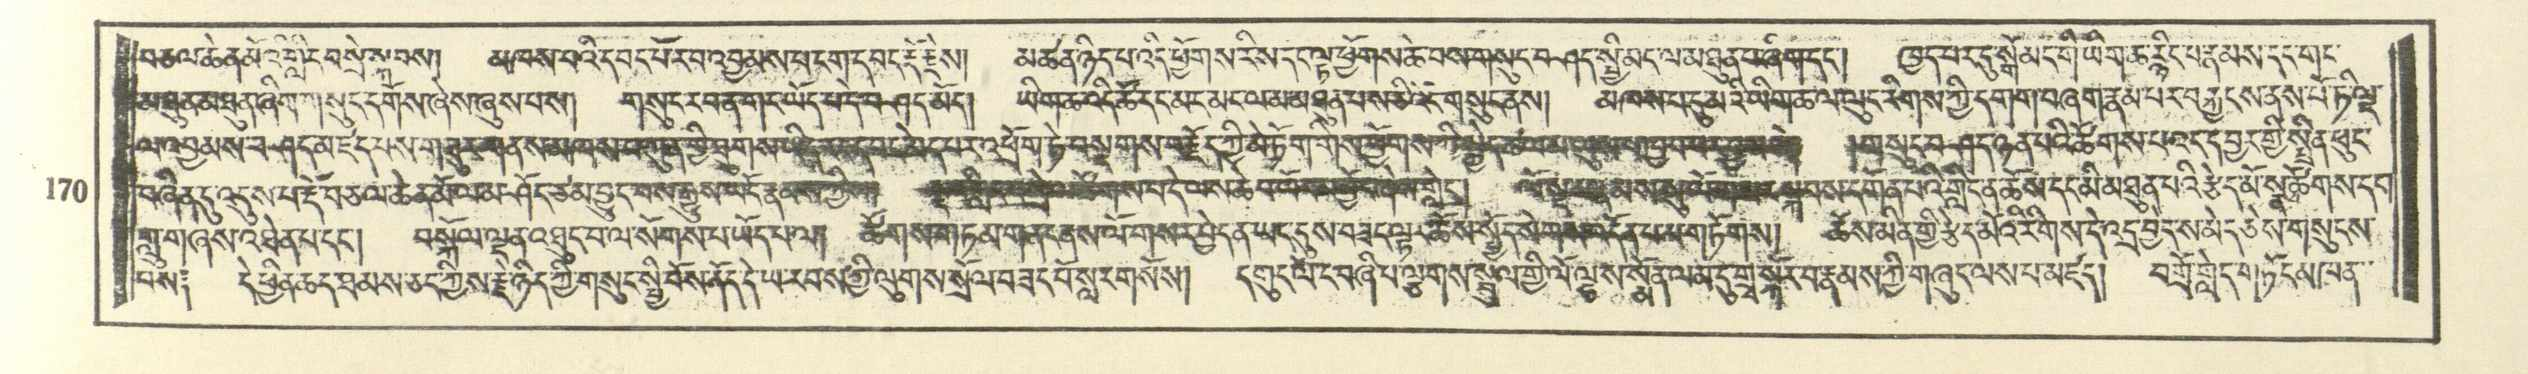བཅལ་ཆེན་མོའི་གླིང་བསྲེ་སྐབས། མཁས་པའི་དབང་པོ་རབ་འབྱམས་པ་ངག་དབང་རྡོ་རྗེས། མཚན་ཉིད་པ་འདི་ཕྱོགས་རིས་དང་ལྟ་ཕྱོགས་ཆེ་བས་གསུང་བཤད་སྤྱི་མང་ལ་མཐུན་པ་ཞིག་དང་། ཁྱད་པར་དུ་སྒོ་མང་གི་ཡིག་ཆ་རྙིང་པ་རྣམས་དང་གང་
མཐུན་མཐུན་ཞིག་གསུང་དགོས་ཞེས་ཞུས་པས། གསུང་རབ་ན་གང་ཡོད་པ་དེ་བཤད་མོད། ཡིག་ཆ་འདི་ཚོ་དང་མང་མང་ལ་མ་མཐུན་པས་ཅི་འོང་གསུང་ནས། མཁས་པ་དུ་མའི་ཡིག་ཆ་ལ་ལུང་རིགས་ཀྱི་དགག་བཞག་རྣམ་པར་བརྐྱངས་ནས་པོ་ཏི་ལྔ་
ལ་འབྱམས་བཤད་མཛད་པས་གཟུར་གནས་མཁས་པ་ཀུན་གྱི་ཐུགས་ཡིད་རང་དབང་མེད་པར་འཕྲོག་ཏེ་བསྔགས་བརྗོད་ཀྱི་མེ་ཏོག་གིས་ཕྱོགས་ཀྱི་སྐྱེད་ཚལ་མ་ལུས་པ་ཁྱབ་པར་བྱས་སོ། །གསུང་བཤད་ཉན་པའི་ཚོགས་པའང་དབྱར་གྱི་སྤྲིན་ཕུང་
བཞིན་དུ་འདུས་པ་རྡོ་བཅལ་ཆེན་མོ་ལ་མ་ཤོད་ཙམ་བྱུང་བས་རྒྱུས་ཡོད་རྣམས་ཀྱིས། སྔར་གླིང་བསྲེ་ལ་ཚོགས་པ་དེ་ལས་ཆེ་བ་ཡོང་མ་མྱོང་ཞེས་གླེང་། ལོ་སྔ་མ་རྣམས་སུ་ལོ་གསར་སྐབས་དགོན་པའི་གླིང་ན་ཆོས་དང་མི་མཐུན་པའི་རྩེད་མོ་སྣ་ཚོགས་དང་།
གླུ་གཞས་འཐེན་པ་དང་། བསྐོལ་ལྡན་འཐུང་བ་ལ་སོགས་པ་ཡོད་པ་ལ། ཚོགས་གཏམ་གནང་ནས་ལོ་གསར་བྱེད་ན་ཡང་དུས་བཟང་ལྟར་ཆོས་སྤྱོད་སོགས་འདོན་པ་མ་གཏོགས། ཆོས་མིན་གྱི་རྩེད་མོའི་རིགས་དེ་འདྲ་བྱེད་ས་མེད་ཅེས་གསུངས་
པས༑ དེ་ཕྱིན་ཆད་ཐམས་ཅད་ཀྱིས་རྗེ་ཉིད་ཀྱི་གསུང་སྤྱི་བོས་ནོད་དེ་ཡ་རབས་ཀྱི་ལུགས་སྲོལ་བཟང་པོ་སླར་གསོས། དགུང་ལོ་ང་བཞི་པ་ལྕགས་སྦྲུལ་གྱི་ལོ་ལྷ་ས་སྨོན་ལམ་དུ་གྲྭ་སྐོར་བ་རྣམས་ཀྱི་གཞུང་ལས་པ་མཛད། བགྲོ་གླེང་གཏོང་མཁན་